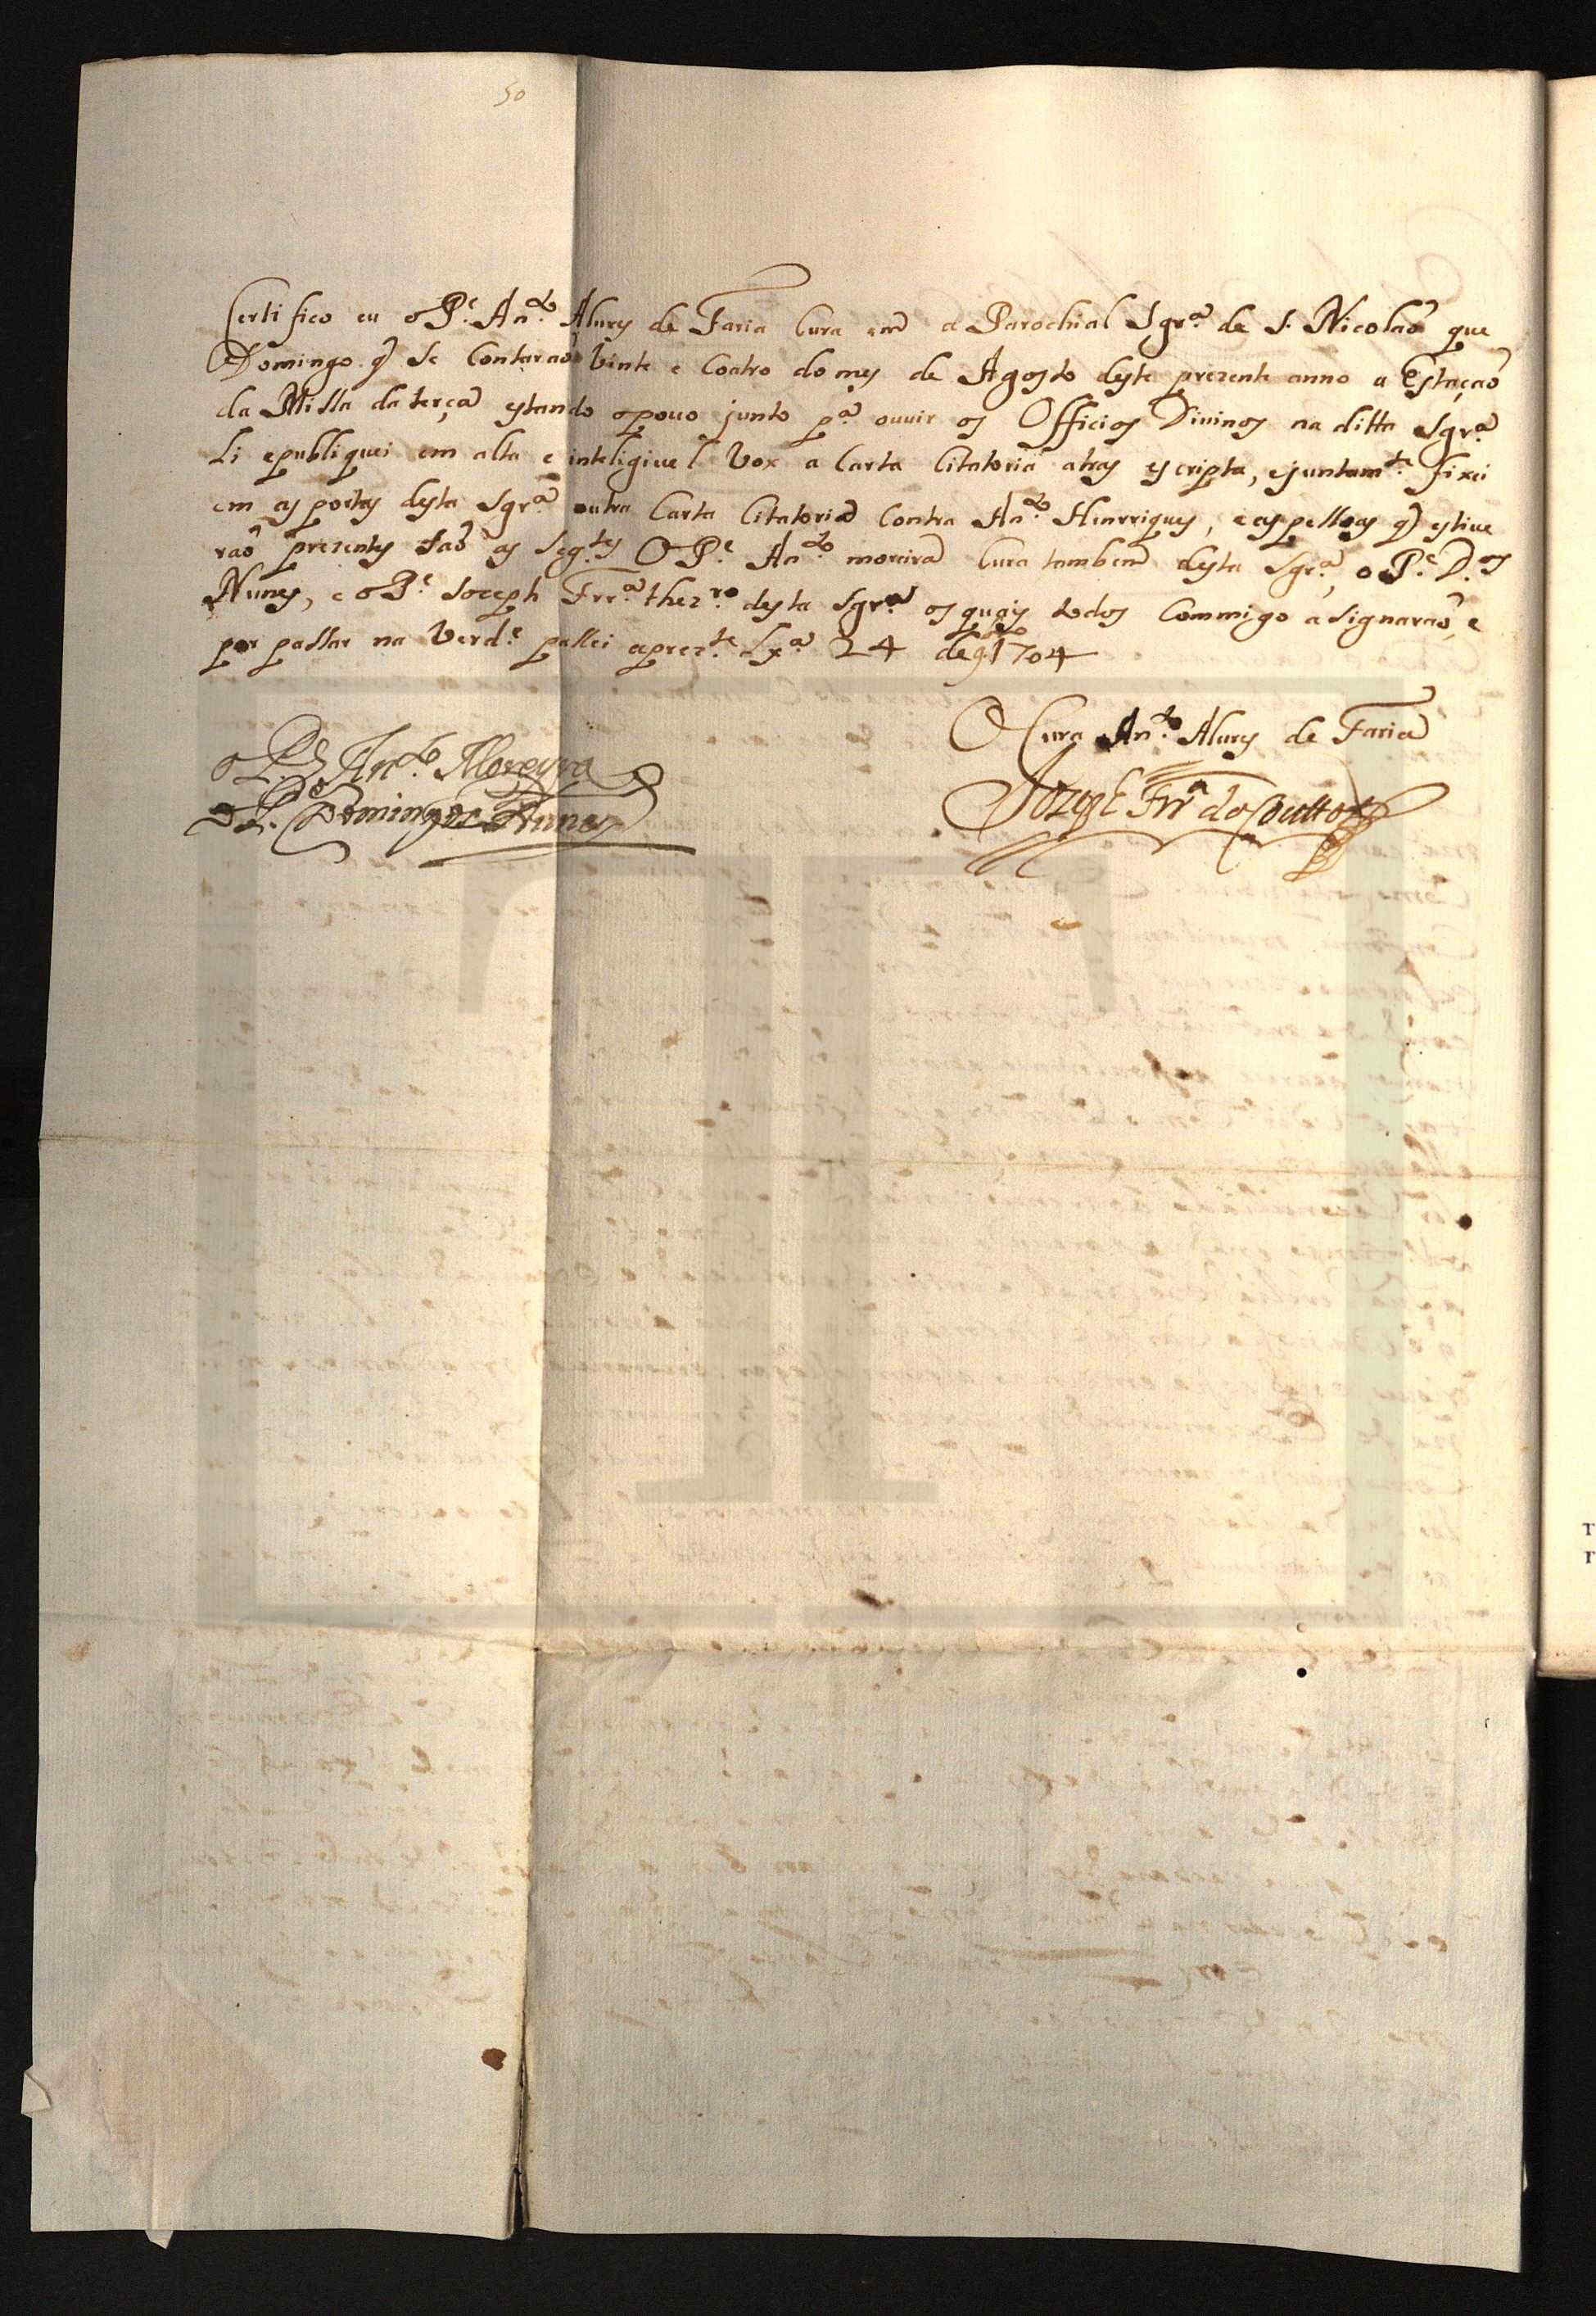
Certifico eu o P.e An.to Alures de Faria Cura em a Parochial Igr.a da S. Nicolaō que
Domingo q̄ se Contaraõ vinte e Coatro do mes de Agosto deste prezente anno a Estaçaõ
da Missa da terça estando o pouo junto p.a ouuir os Officios Diuinos na ditta Igr.a
Li e publiquei em alta e inteligiuel Vox a Carta Citatoria atras escripta, e juntam.te fixei
em as portas desta Igra outra Carta Citatoria Contra An.to Henrriques, e as pessoas q̄ estiue
raõ presentes saõ as seg.tes O P.e An.to moreira Cura tambem desta Igr.a, o P.e D.os
Nunes, e o P.e Iozeph Frr.a thez.ro desta Igr.a os quais todos Commigo asignaraõ, e
por passar na Verd.e passei a prez.te Lx.a 24 de 9.bro 1704
O Cura An.to Alures de Faria
o P.e An.to Moreyra
Iozeph Frra do Coutto
o P. Domingos Nunez
